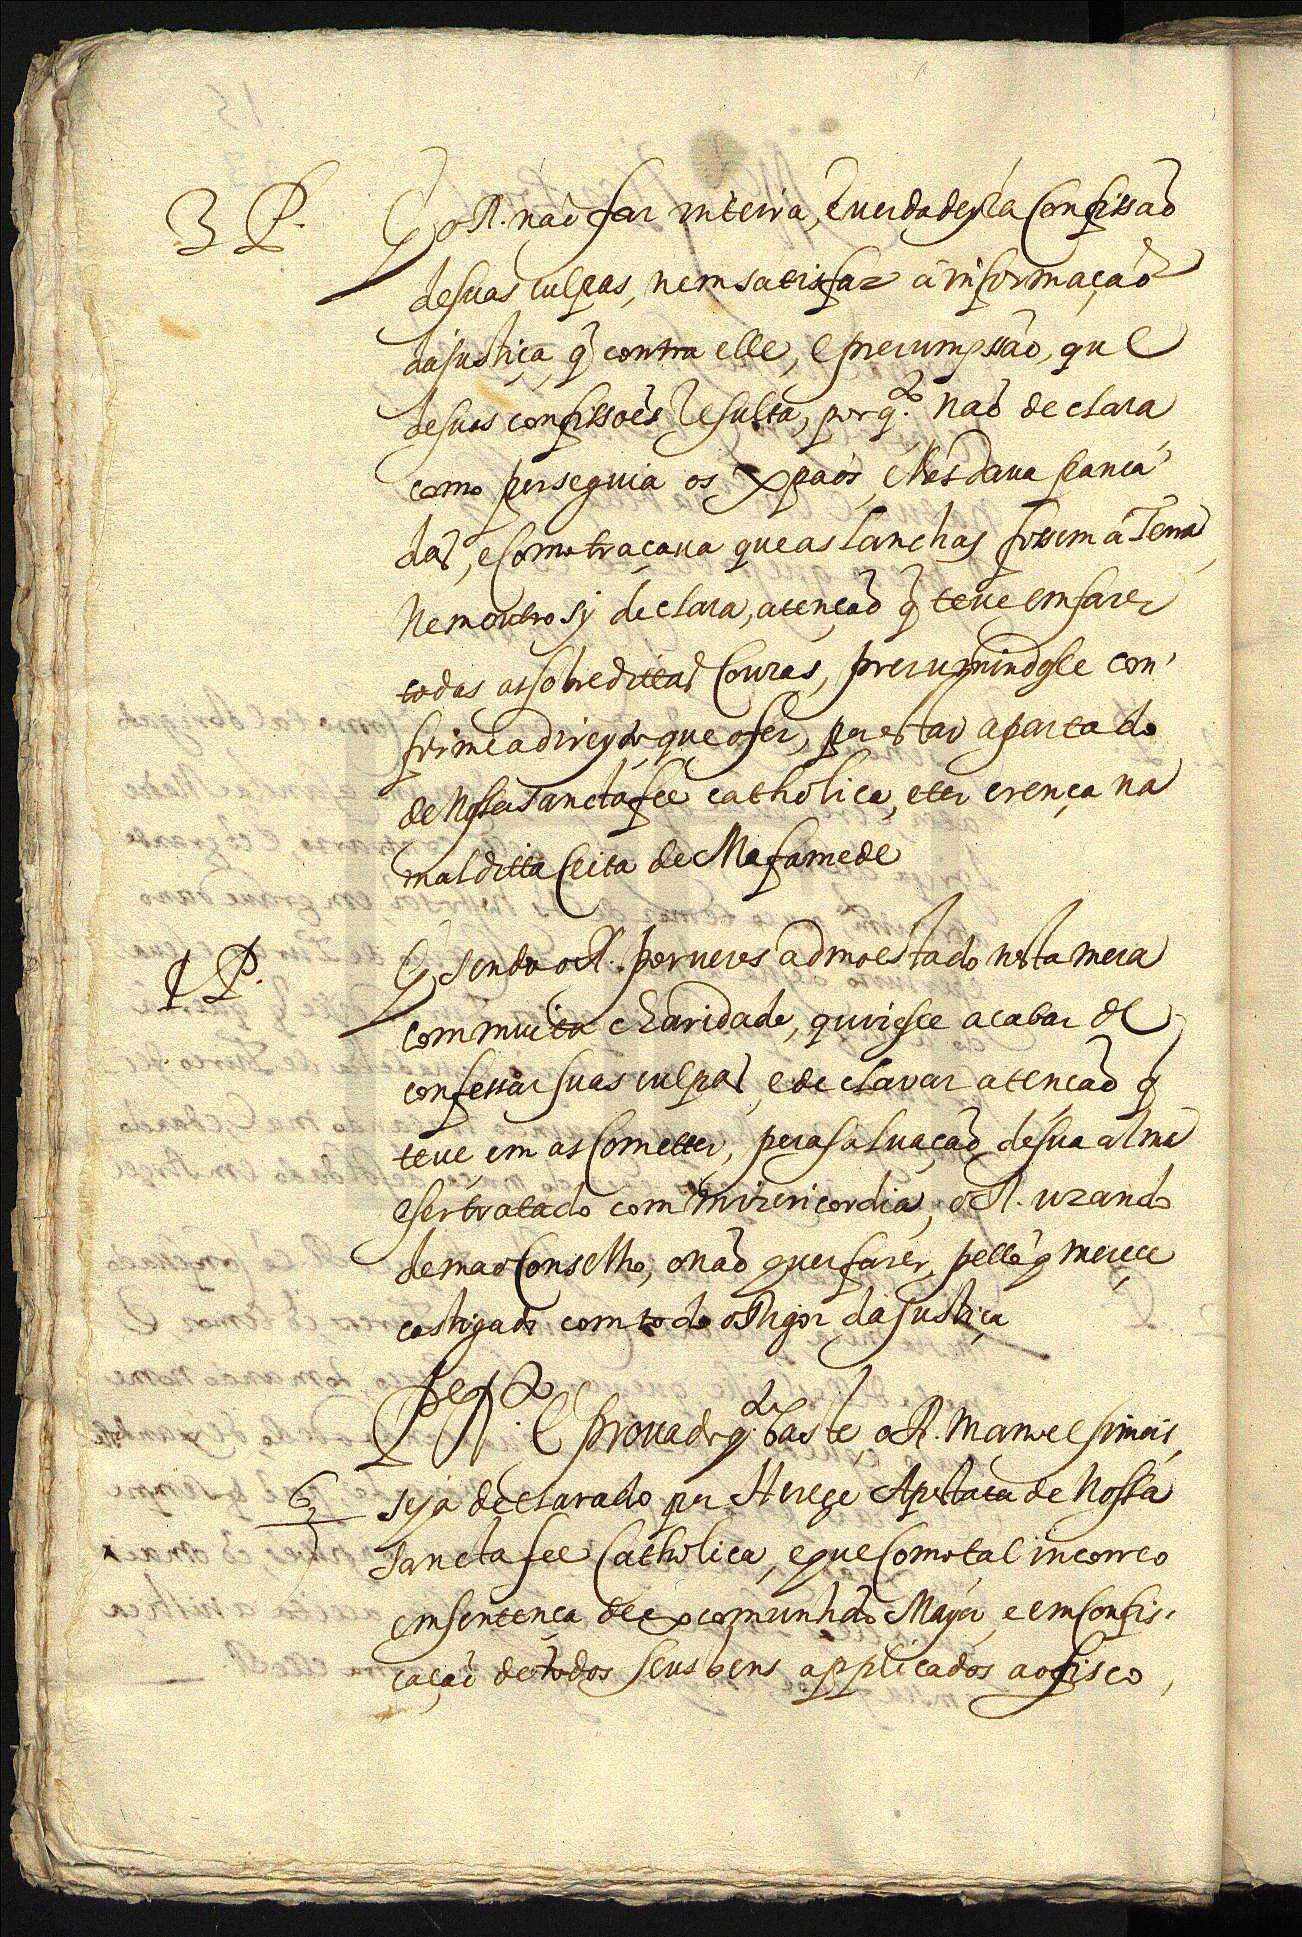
3 P. Q̄ o R. naõ faz inteira, e uerdadeyra Confissaõ
de suas culpas, nem satisfaz a informaçaõ
da justiça, q̄ contra elle, e prezumpssaõ, que
de suas confissoẽs Resulta, porq.to naõ declara
como perseguia os Xpaõs, e lhes daua panca
das, e Como traçaua que as lanchas fossem a Terra
nem outrosy declara, a tençaõ q̄ teue em fazer
todas as Sobredittas Couzas, prezumindosse con
forme a direyto, que o fez, por estar apartado
de nossa sancta fee catholica, e ter crença na
malditta Ceita de Mafamede
4 P.
Q̄ sendo o R. por uezes admoestado nesta meza
com muita charidade, quizesse acabar de
confessar Suas culpas, e declarar a tençaõ q̄
teue em as Cometter, pera Saluação de Sua alma
e Ser tratado com mizericordia, o R. uzando
de mao Conselho, o naõ quer fazer pello q̄ mereçe
castigado com todo o Rigor da Justiça
Pe R.to E proua do q.to baste o R. manoel Simois,
seja declarado por Herege Apostata de nossa
sancta fee Catholica, e que Como tal incorreo
em Sentença de excomunhaõ Mayor, e em Confis
cação de todos Seus bens applicados ao fisco,
